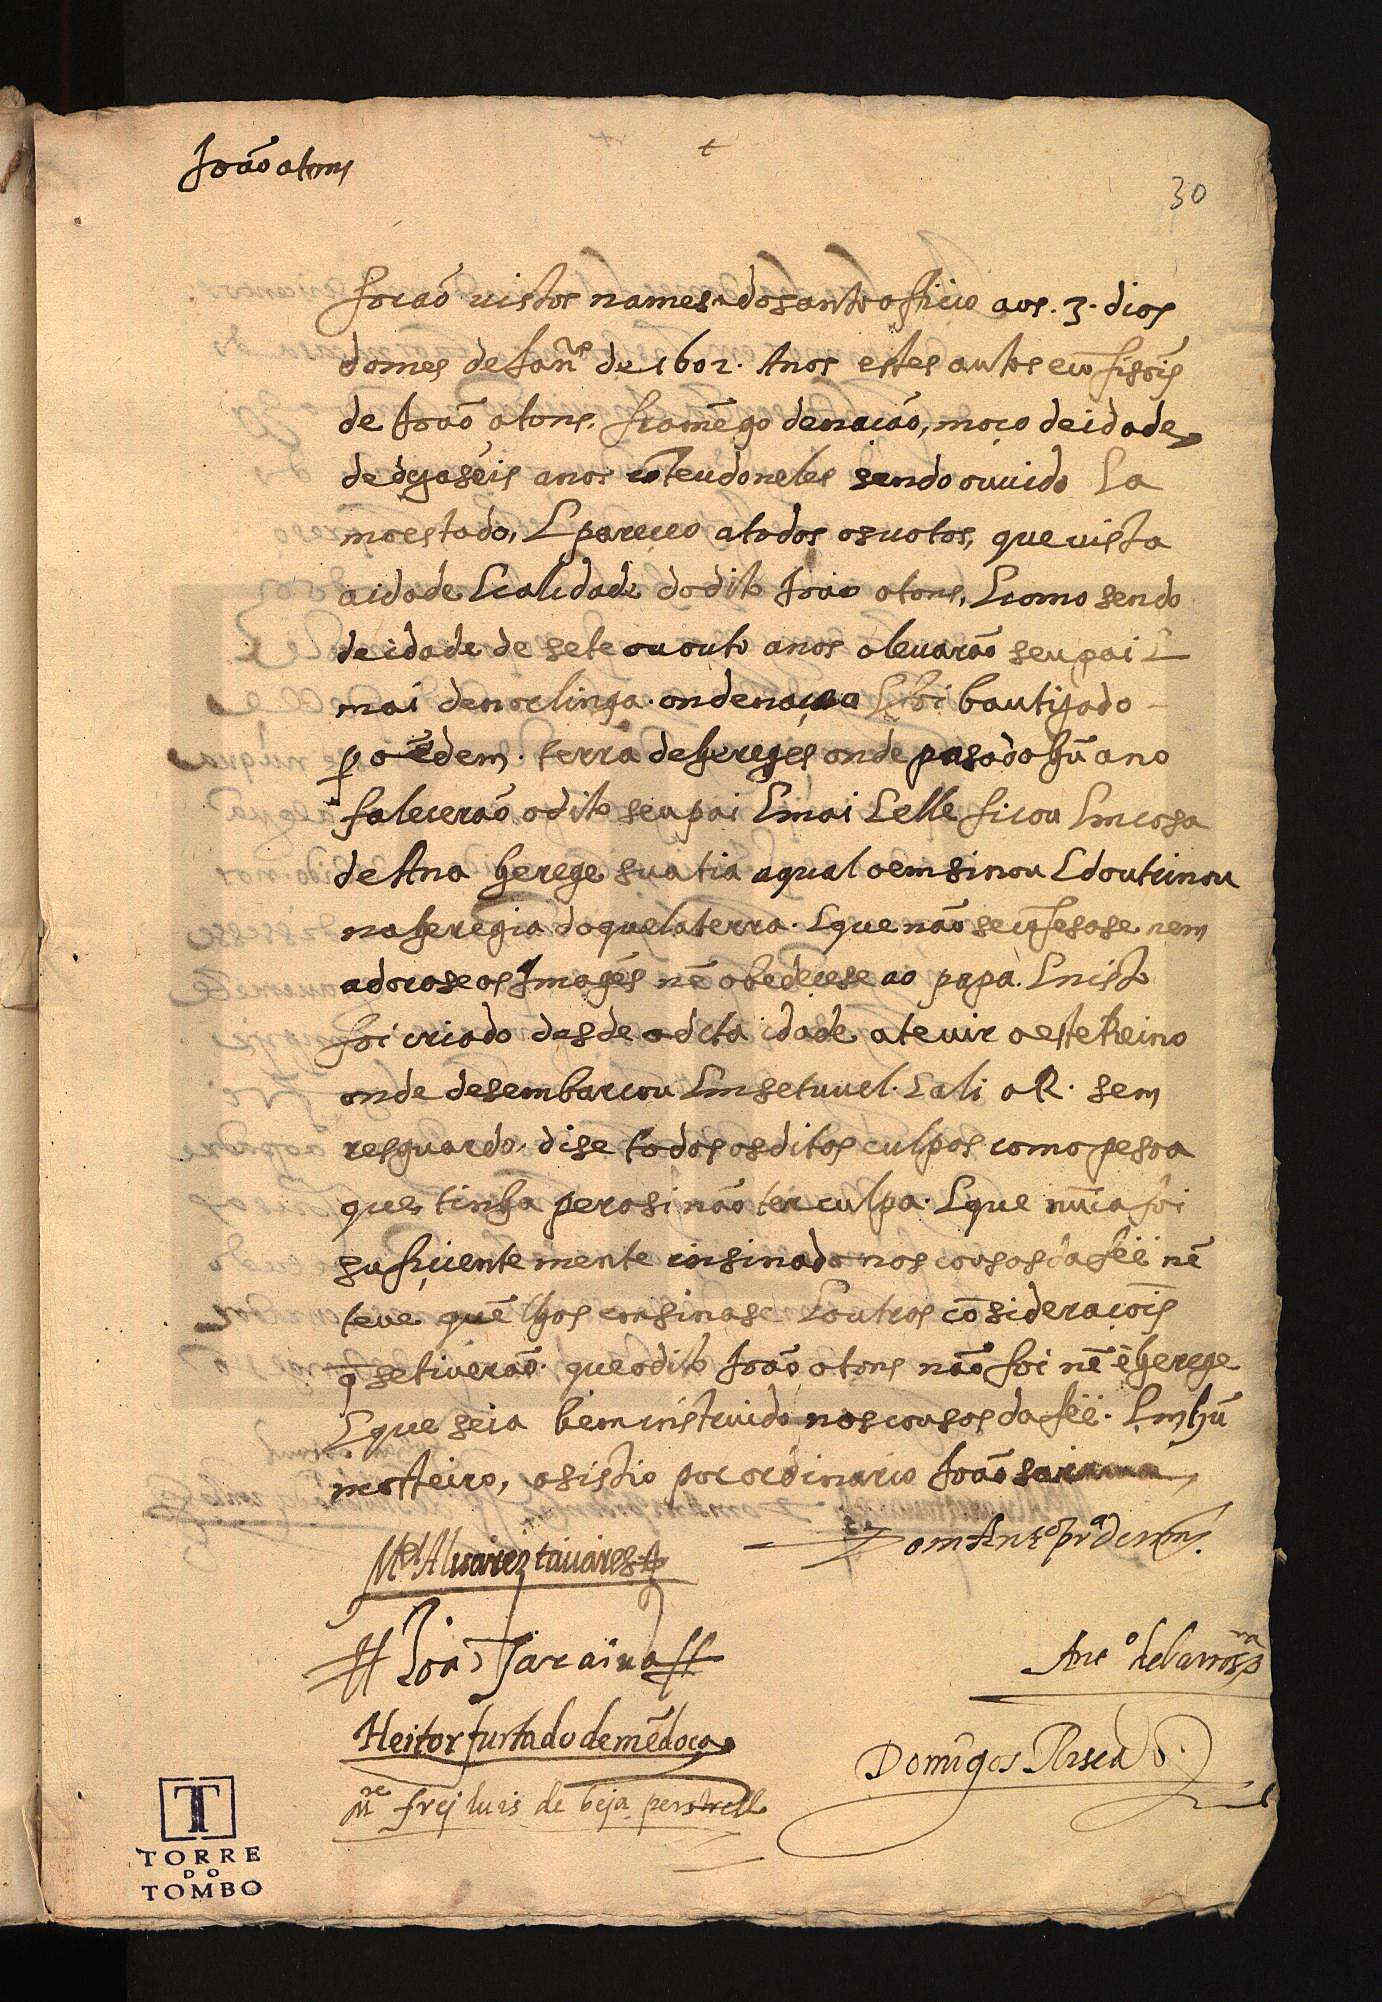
João atems
foraõ uistos na mesa do santo officio aos 3. dias
do mes de Ian.ro de 1602. Anos estes autos e cōfisoĩs
de Ioaõ atons framēgo de naçaõ, moço de idade
de dezaseis anos cōteudo neles sendo ouuido E a
moestado, E pareceo a todos os uotos, que uista
a idade E calidade do dito João atons, E como sendo
de idade de sete ou outo anos o leuaraõ seu pai E
mai de norlinga onde naceo E foi bautizado
ꝑo ēdem. terra de hereges onde pasado hū ano
faleceraõ o dito seu pai E mai E elle ficou Em casa
de Ana herege sua tia a qual o ensinou E doutrinou
na heregia daquela terra. E que naõ se cōfesase nem
adorase as Jmagēs nē obedecese ao papa. E nisto
foi criado desde a dita idade ate uir a este Reino
onde desembarcou Em setuuel E ali o R. sem
resguardo dise todas as ditas culpas como pesoa
que tinha pera si naõ ter culpa. E que nūca foi
suficientemente insinado nas cousas da fee nē
teue quē lhas ensinase E outras cōsideraçoĩs
q̄ se tiueraõ que o dito Joaõ atons não foi nē ē herege
E que seia bem instruido nas cousas da fee. Em hū
mosteiro, asistio por ordinario Ioaõ saraiua
Dom Anto pra de mn̄s
Mel Aluarez tauares
Anto de barros pra
Domīgos Riscado.
Ioaõ saraiua
Heitor furtado de mēdoça
m.te frej luis de beja perstrello
